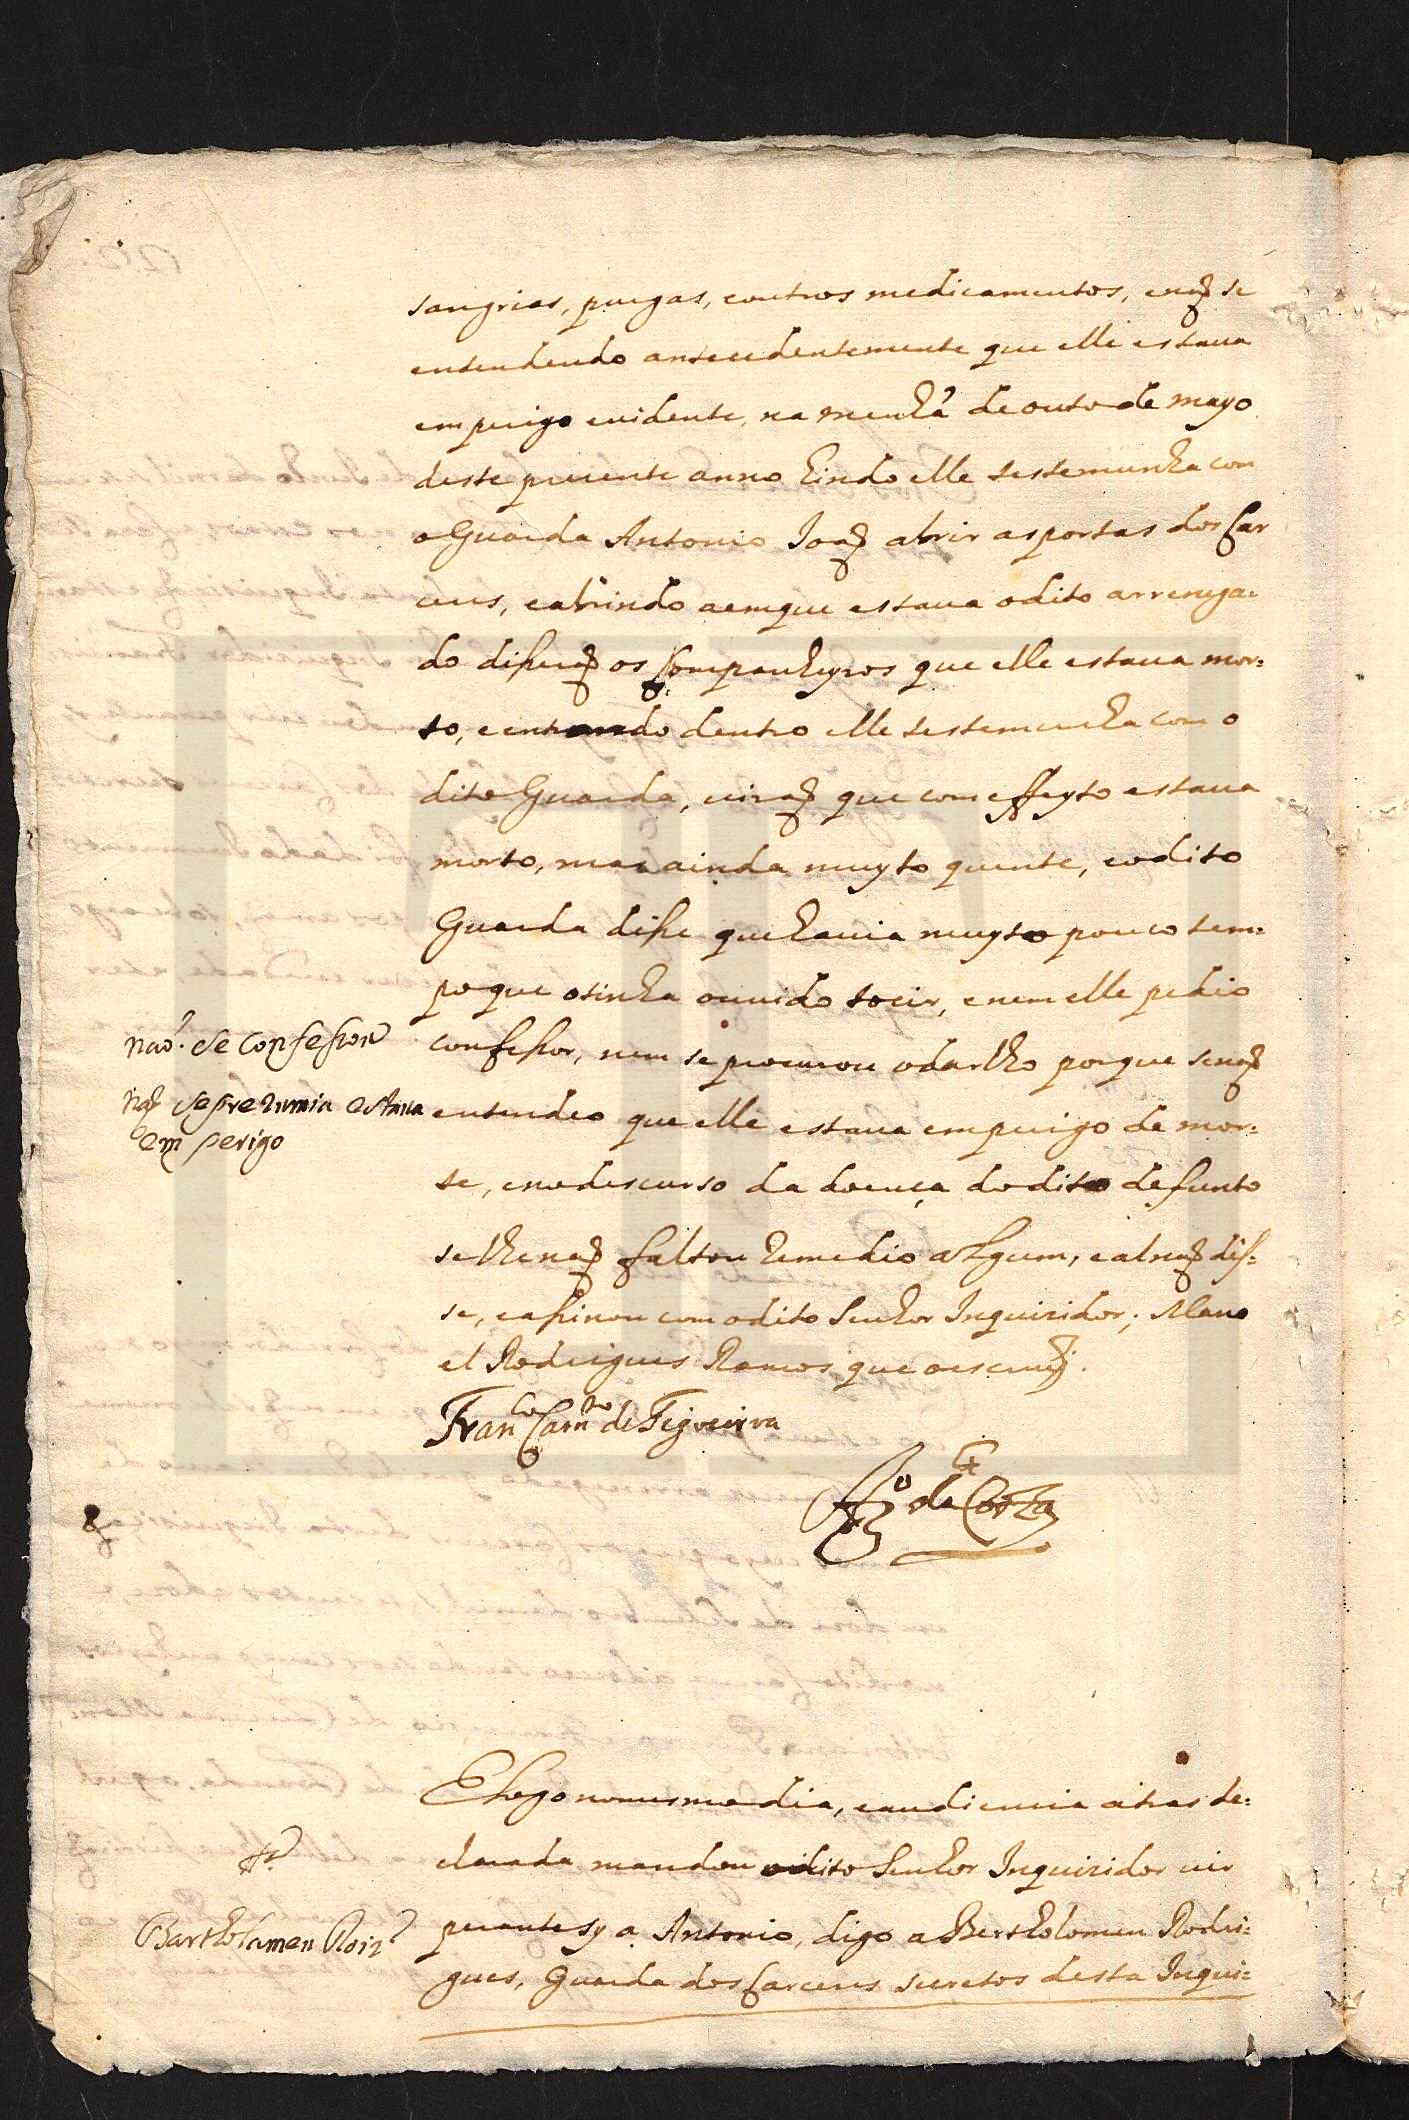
sangrias, purgas, e outros medicamentos, e naõ se
entendendo antecedentemente que elle estaua
em perigo euidente, na menhã de outo de mayo
deste prezente anno hindo elle testemunha con
o Guarda Antonio Ioaõ abrir as portas dos Car
ceres, e abrindo a em que estaua o dito arrenega
do disseraõ os Companheyros que elle estaua mor
to, e entrando dentro elle testemunha com o
dito Guarda, uiraõ que com effeyto estaua
morto, mas ainda muyto quente, e o dito
Guarda disse que hauia muyto pouco tem
po que o tinha ouuido tocir, e nem elle pedio
naõ. se confessou
confessor, nem se procurou o darlho porque se naõ
naõ se prezumia estaua
em perigo
entendeo que elle estaua em perigo de mor
te, e no discurso da doença do dito defunto
se lhe naõ faltou Remedio algum, e al naõ dis
se e assinou com o dito Senhor Inquizidor; Mano
el Rodrigues Ramos que o escreuy.
Franco Carnro de Figueiroa
Ago da Costa
E logo no mesmo dia, e audiencia atras de
clarada mandou o dito Senhor Inquizidor uir
tt.a
perante sy a Antonio, digo a Bertholomeu Rodri
Bartholameu Roiz̄
gues, Guarda dos Carceres secretos desta Inqui
